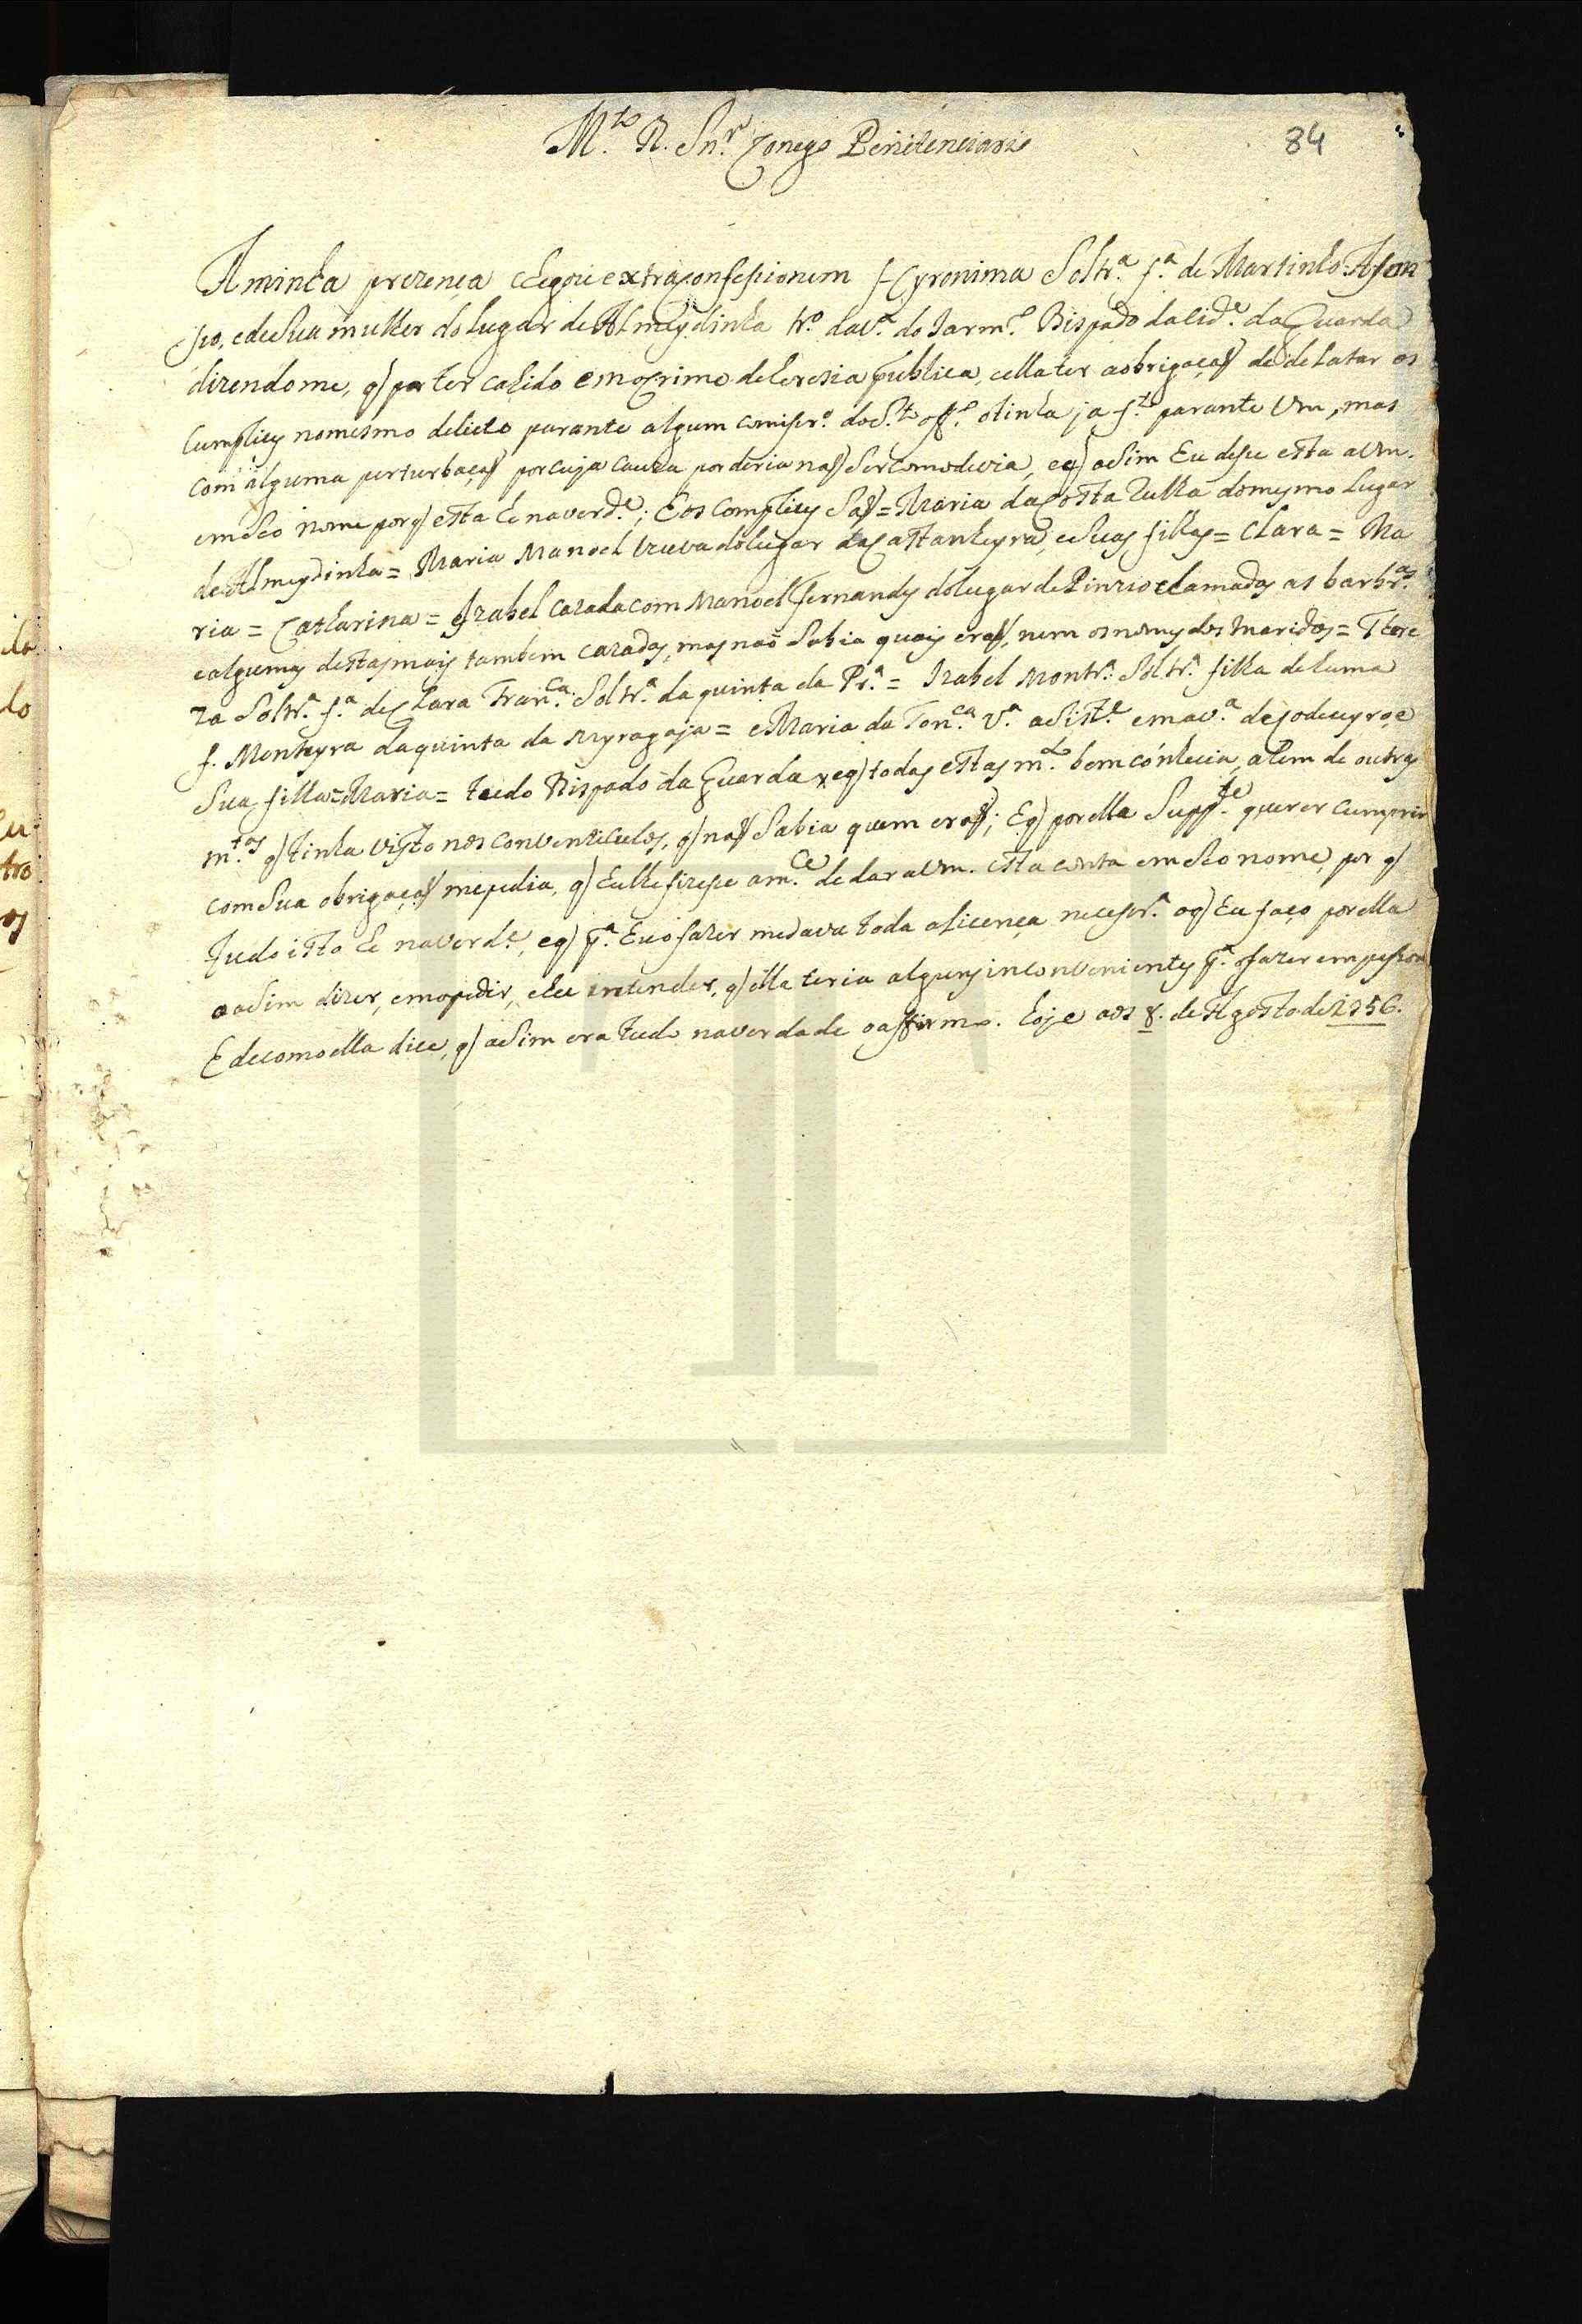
M.to R. Sn.r Conego Penitenciario
A minha prezença chegou extra Confessionem Hyronima Soltr.a f.a de Martinho Afon
sso, e de Sua mulher do Lugar de Almeydinha tr.o da v.a do Iarm.o Bispado da cid.e da Guarda
dizendo me, q̄ por ter cahido em o Crime de heresia publica, e ella ter a obrigaçaõ de deLatar os
Cumplices no mesmo delicto parante algum comissr.o do S.to off.o o tinha ja f.to parante V m, mas
com alguma perturbaçaõ por cuja cauza porderia naõ Ser como devia, e q̄ aSim Eu desse esta a v m.
em Seo nome porq̄ esta he na verd.e; E os Complices Saõo = Maria da Costa Rulha do mesmo Lugar
de Almeydinha = Maria Manoel viuva do Lugar da Castanheyra, e Suas filhas = CLara = Ma
ria = Catharina = e Jzabel cazada com Manoel Fernandes do Lugar de Pinzio chamadas as barbr.as
e algumas destas mais tambem cazadas, mas naõ Sabia quais eraõ, nem os nomes dos maridos = There
za Soltr.a f.a de CLara Fran.ca Soltr.a da quinta da Pr.a = Izabel Montr.a Soltr.a filha de huma
f. Monteyra da quinta da Myragaja = e Maria da Fon.ca V.a asist.e em a v.a de Codeceyro, e
Sua filha = Maria = tudo Bispado da Guarda, e q̄ todas estas m.to bem conhecia, alem de outras
m.tas q̄ tinha visto nos conventiculos, q̄ naõ Sabia quem eraõ; E q̄ por ella Supp.te querer cumprir
com Sua obrigaçaõ me pedia, q̄ Eu lhe fizesse a m.ce de dar a V m. esta conta em Seo nome, por q̄
tudo isto he na verdade, e q̄ p.a Eu o fazer me dava toda a Licença necessr.a o q̄ Eu faço por ella
o aSim dizer, e mo pedir, e Eu intender, q̄ ella teria alguns inconvenientes p.a o fazer em pessoa
E de como ella dice, q̄ aSim era tudo na verdade o affirmo. hoje aos 8. de Agosto de i756.
